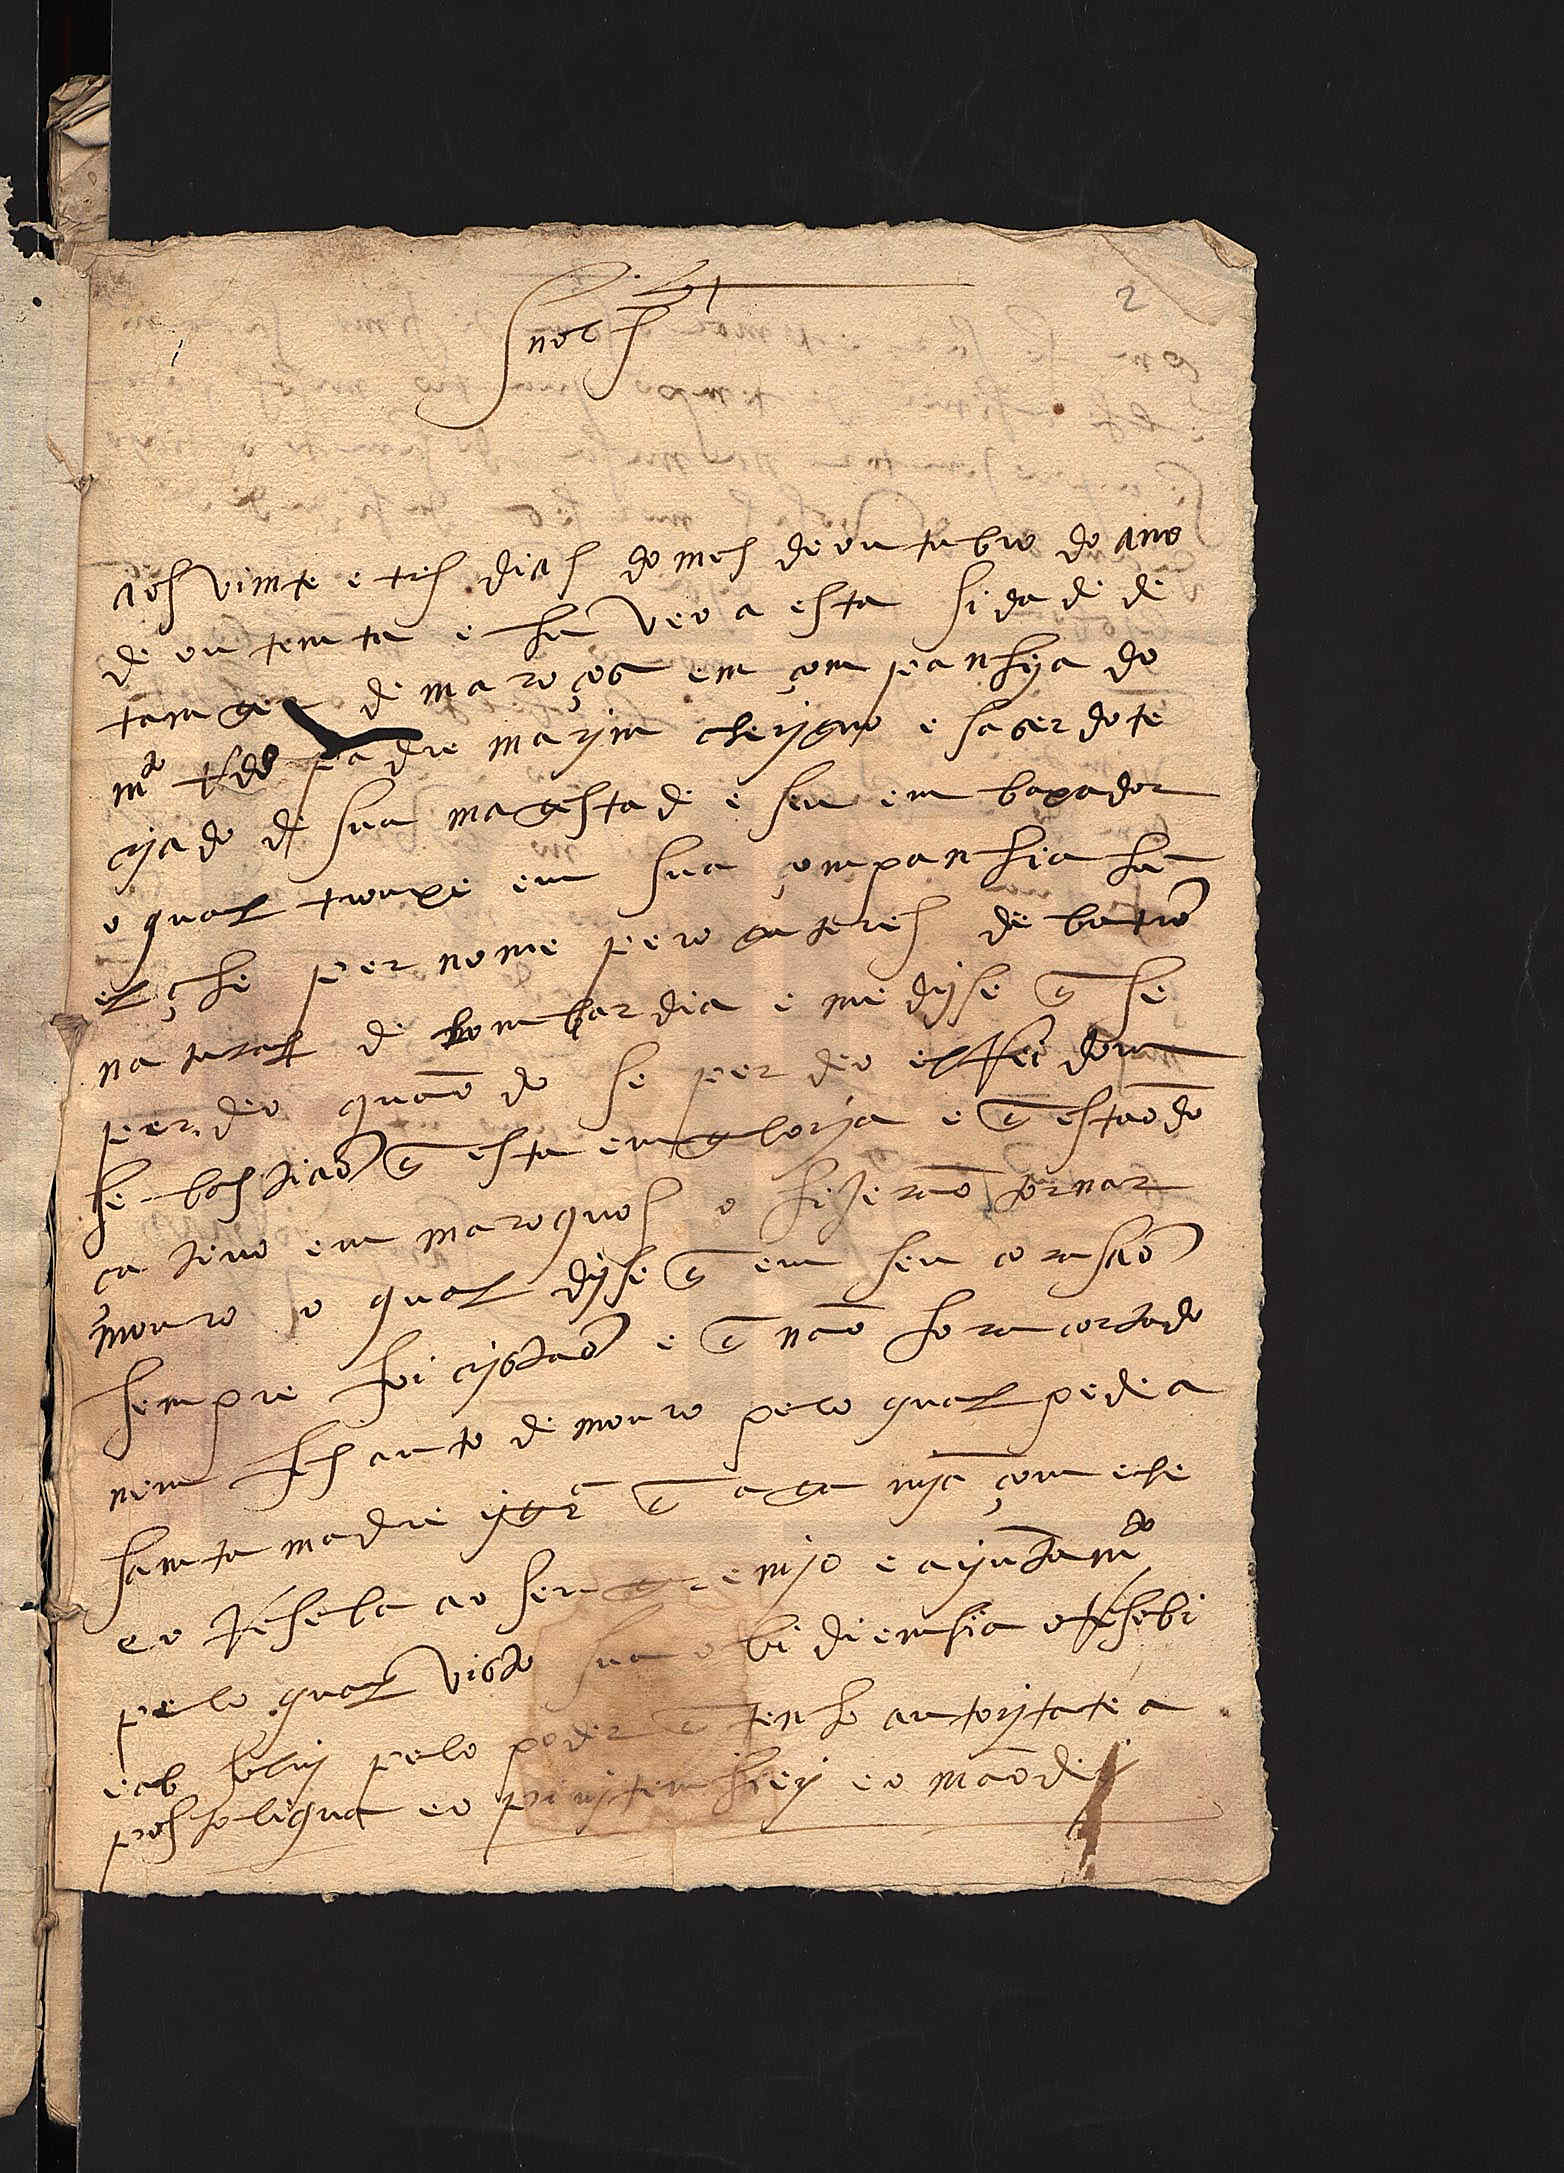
Snors̄
aos vimte e tres dias do mes de outubro do ano
de outemta e hū veo a esta sidade de
tamger de marocos em companhya do
mto Rdo padre marjm clerjguo e saserdote
crjado de sua magestade e seu embaxador
o qual trouxe em sua companhia hū
elche per nome pero gauteres de butrō
natural de lombardia e me dyse q̄ se
perdeo quãodo se perdeo el Rei dom
sebastiaõ q̄ esta em glorja e q̄ estãodo
catiuo em maroquos o fizerão tornar
mouro o qual dyse q̄ em seu corasaõ
sempre foi crjstaõ e q̄ não fora cortado
nem fes auto de mouro pelo qual pede a
samta madre ygra q̄ aga mj̄a com ele
e o Reseba ao seu gremjo e ayūtamto
pelo qual visto sua obidiemsia o Resebi
a absoluj pelo poder q̄ tenho autorjtate a
postoliqua e o pinjtemsiey e o mãodey
